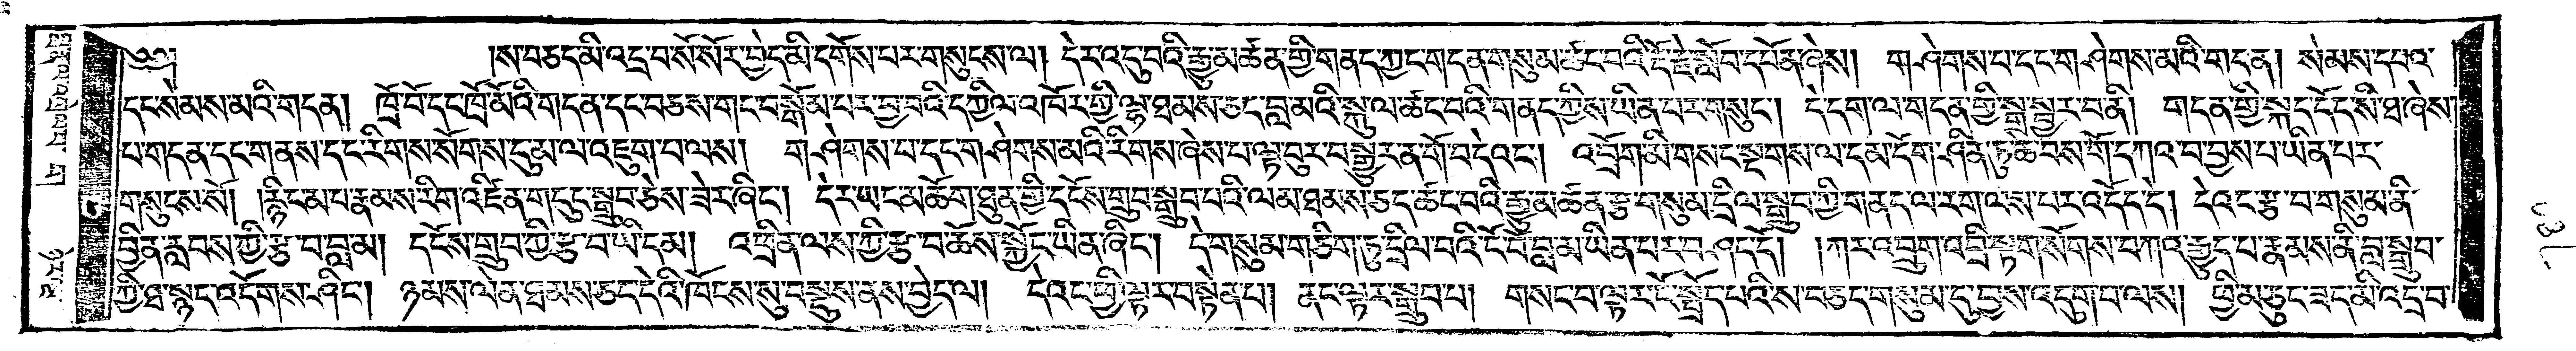༄༅། །ས་བཅད་མི་འདྲ་བ་སོ་སོར་བྱེད་མི་དགོས་པར་གསུངས་ལ། དེར་འདུ་བའི་རྒྱུ་མཚན་གྱི་གནད་ཀྱང་གདན་གསུམ་ཚང་བའི་རྡོ་རྗེ་སློབ་དཔོན་ཞེས། །གཤེགས་པ་དང་གཤེགས་མའི་གདན། །སེམས་དཔའ་
དང་སེམས་པའི་གདན། ཁྲོ་བོ་དང་ཁྲོ་མོའི་གདན་དང་བཅས་གང་བསྒོམ་པར་བྱ་བའི་དཀྱིལ་འཁོར་གྱི་ལྷ་ཐམས་ཅད་བླ་མའི་སྐུ་ལ་ཚང་བའི་གནད་ཀྱིས་ཡིན་པར་གསུང་། དེ་དག་ལ་གདན་གྱི་སྒྲ་སྦྱར་བ་ནི། གདན་གྱི་སྐད་དོད་སི་ཐ་ཞེས་
པ་གདན་དང་གནས་དང་རིགས་སོགས་དུ་མ་ལ་འཇུག་པ་ལས། གཤེགས་པ་དང་གཤེགས་མའི་རིགས་ཞེས་པ་ལྟ་བུར་བསྒྱུར་ན་གོ་བདེའང་། འབྲོག་མི་གསང་སྔགས་ལ་དམ་དོག་ཤིན་ཏུ་ཆེ་བས་གོ་དཀའ་བ་བྱས་པ་ཡིན་པར་
གསུངས་སོ། །རྙིང་མ་པ་རྣམས་རིག་འཛིན་གདུང་སྒྲུབ་ཅེས་ཟེར་ཞིང་། དེར་ཡང་མཆོག་ཐུན་གྱི་དངོས་གྲུབ་སྒྲུབ་པའི་ལམ་ཐམས་ཅད་ཚང་བའི་རྒྱུ་མཚན་རྩ་གསུམ་དྲི་ལ་སྒྲུབ་ཀྱི་གནད་ལ་རག་ལས་པར་འདོད་དེ། དེའང་རྩ་བ་གསུམ་ནི་
བྱིན་རླབས་ཀྱི་རྩ་བ་བྲམ། དངོས་གྲུབ་ཀྱི་རྩ་བ་ཡི་དམ། འཕྲིན་ལས་ཀྱི་རྩ་བ་ཆོས་སྐྱོང་ཡིན་ཞིང་། དེ་གསུམ་གཅིག་ཏུ་དྲིལ་བའི་ངོ་བོ་བླ་མ་ཡིན་པར་བཤད་དོ། །ཀར་འབྲུག་འབྲི་སྟག་སོགས་བཀའ་རྒྱུད་པ་རྣམས་ནི་བླ་སྒྲུབ་
ཀྱི་ཐ་སྙད་འདོགས་ཤིང་། ཉམས་ལེན་ཐམས་ཅད་དེའི་ཁོངས་སུ་བསྡུས་ནས་བྱེད་ལ། དེའང་ཕྱི་ལྟར་བསྟེན་པ། ནང་ལྟར་སྒྲུབ་པ། གསང་བ་ལྟར་ངོ་སྤྲོད་པའི་ས་བཅད་གསུམ་དུ་བྱས་འདུག་པ་ལས། ཕྱི་མ་ཅུང་ཟད་མི་འདྲ་བ་